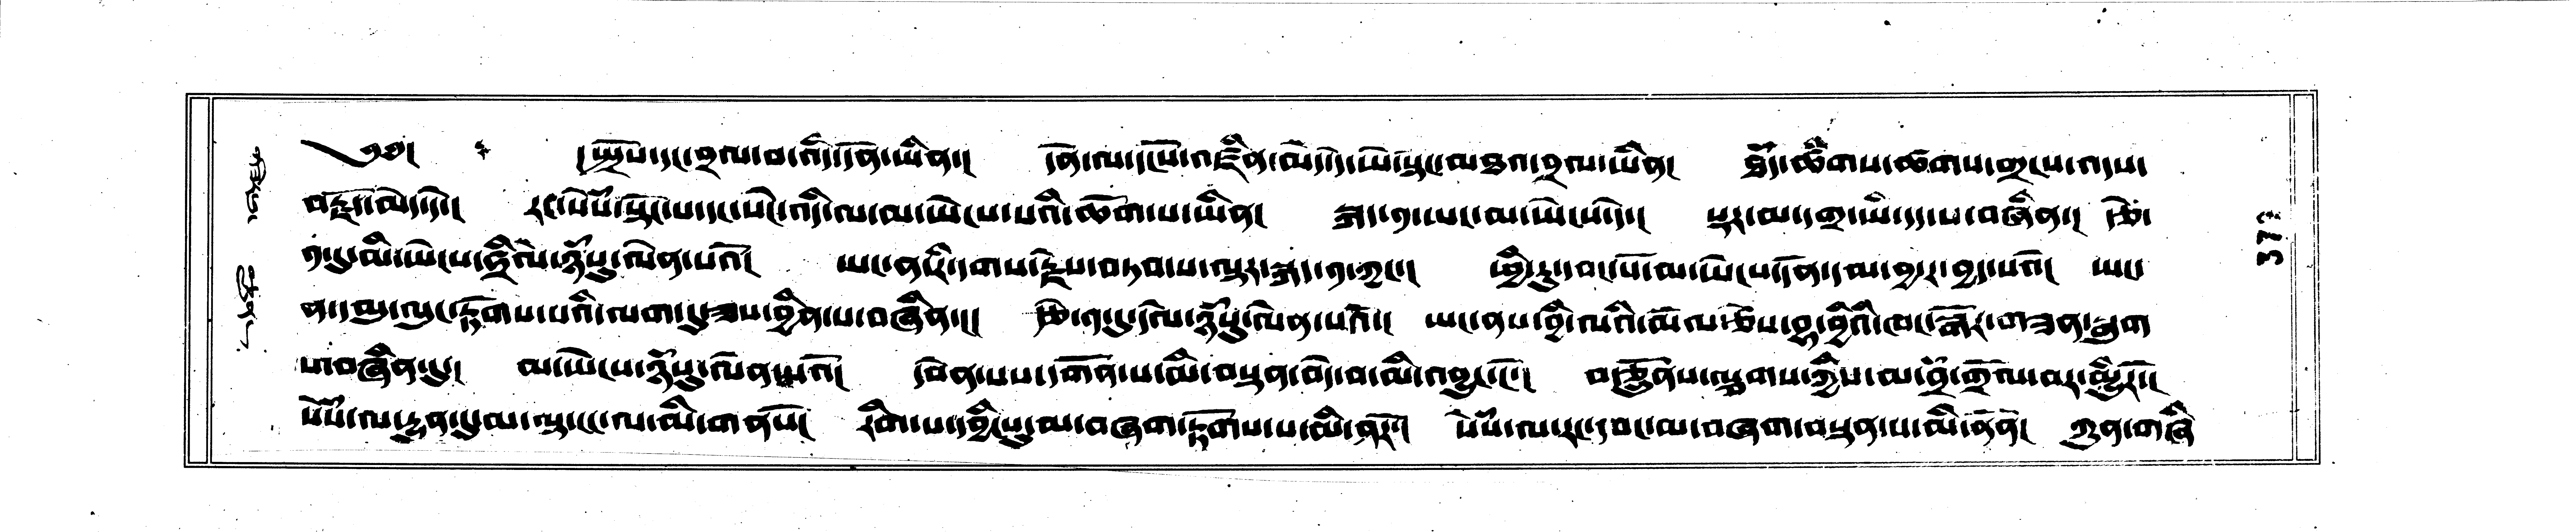སྤྲོས་དང་བྲལ་བ་འདི་དོན་ཡིན། དོན་ལ་ངོས་འཛིན་མེད་དེ་ཡེ་སྟོང་མཐའ་བྲལ་ཡིན། ཐམས་ཅད་ཚིག་ཚོགས་དྲངས་༼གྲངས༽འདས་
བརྗོད་མེད་དེ། རང་སེམས་སྟོང་སང་ངེ་བ་འདི་ལ་མི་ཡེངས་པས་ཆོག་པ་ཡིན། སྐད་ཅིག་ཀྱང་མི་ཡེངས་པ། སྡར་མ་དགྲས་དེད་པ་བཞིན། རྩེ་
ཅིག་དུ་མི་ཡེངས་བཀྲི་ལེ་ཉམས་སུ་ལེན་པའོ། ཡང་ན་རི་དག་༼དྭགས༽རྫིས་བཏབ་ལྟར། སྐད་ཅིག་ཀྱང་ཕྱི་རུ་དབང་པོ་མི་ཡེངས་དོན་དམ་པ་ལ་བྱ་ར་བྱེད་པའོ། ཡང་
ན་རྨུན་༼དམུས༽ལོང་རྟོག་པའི་ལག་དུ་ཟས་ཕྱིན་པ་བཞིན། རྩེ་ཅིག་དུ་ཀྲི་ལེ་དྲིལ་ནས་ཉམས་སུ་ལེན་པའོ། ཡང་ན་མོང་རྩེས་བྲ་བྱིའི་ཁུང་སྒོར་གཟན་འགུག་”སྒུག”
པ་བཞིན་དུ། མི་ཡེངས་པར་ཉམས་སུ་ལེན་པའོ། དབེན་པའི་རྒོན་གནས་མི་བརྟེན་བདེ་བར་མི་འབྱུང་ངོ་། བརྩོན་འགྲུས་ལྕགས་ཀྱིས་མ་བྲབ་གྲོལ་བར་མི་འགྱུར་རོ། 
སེམས་ལ་རྒྱུན་དུ་མ་བལྟས་ངང་ལ་མི་གནས་སོ། རིག་པ་དབྱིངས་སུ་མི་བཞག་རྟོག་པ་མི་འཆར་རོ། སེམས་ལ་རང་དབང་མ་ཐོབ་བརྩན་ས་མི་ཟིན་ནོ། ཀུན་གཞི་